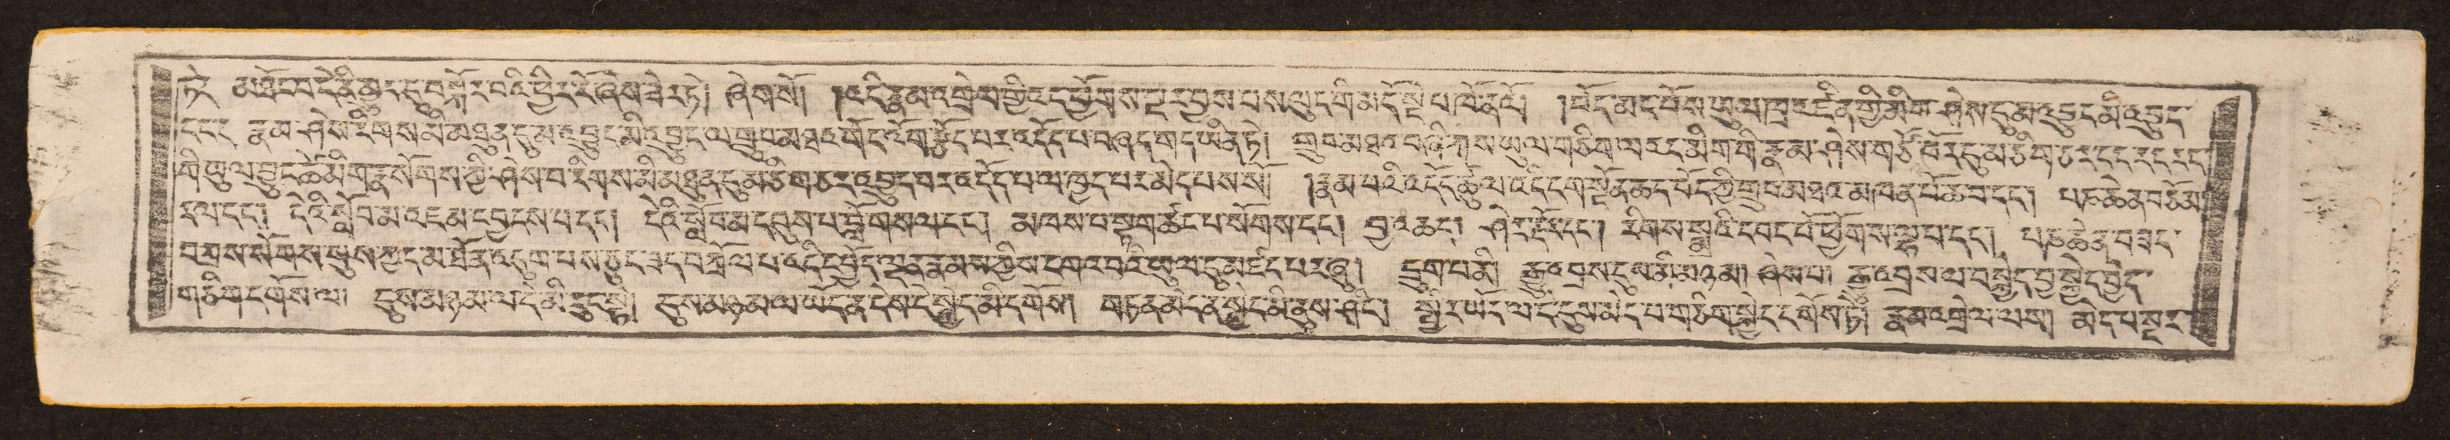ཏེ༑ མཐོང་བ་དེ་ནི་མྱུར་དུ་བསྐོར་བའི་ཕྱིར་རོ་ཞེས་ཟེར་ཏེ། ཞེས་སོ། །འདི་རྣམ་འགྲེལ་གྱིའང་ཕྱོགས་སྔར་བྱས་པས་ལུང་གི་མདོ་སྡེ་པ་ཁོ་ནའོ། །བོད་མང་པོས་ཡུལ་ཁྲ་འཛིན་གྱི་མིག་ཤེས་དུ་མ་འབྱུང་མི་འབྱུང་
དང༑ རྣམ་ཤེས་རིགས་མི་མཐུན་དུ་མ་འབྱུང་མི་འབྱུང་ལ་གྲུབ་མཐའ་གོང་འོག་རྩོད་པར་འདོད་པ་བཞད་གད་ཡིན་ཏེ། གྲུབ་མཐའ་བཞི་ཀས་ཡུལ་གཅིག་ལའང་མིག་གི་རྣམ་ཤེས་གཙོ་བོར་དུ་མ་ཅིག་ཅར་དང་རང་རང་
གི་ཡུལ་བྱུང་ཚེ་མིག་རྣ་སོགས་ཀྱི་ཤེས་པ་རིགས་མི་མཐུན་དུ་མ་ཅིག་ཅར་འབྱུང་བར་འདོད་པ་ལ་ཁྱད་པར་མེད་པས་སོ། །རྣམ་པའི་འདོད་ཚུལ་འདི་དག་སྔོན་ཆད་བོད་ཀྱི་གྲུབ་མཐའ་མཁན་པོ་ཆ་བ་དང་། པཎ་ཆེན་བཅོམ་
རལ་དང་། དེའི་སློབ་མ་འཇམ་དབྱངས་པ་དང་། དེའི་སློབ་མ་དབུས་པ་བློ་གསལ་དང་། མཁས་པ་སྟག་ཚང་པ་སོགས་དང་། བྱ་འཆད། ཤེར་རྡོར་དང་། རིགས་སྨྲའི་དབང་པོ་ཕྱོགས་ལྷ་པ་དང་། པཎ་ཆེན་བཟང་
བཀྲས་སོགས་སུས་ཀྱང་མ་ཐོན་འདུག་པས་ཅུང་ཟད་བཀྲོལ་པ་འདི་དཔྱོད་ལྡན་རྣམས་ཀྱིས་དགའ་བའི་ཡུལ་དུ་མཛད་པར་ཞུ། དྲུག་པ་ནི། རྒྱུ་འབྲས་དུས་མི་མཉམ། ཞེས་པ། རྒྱུ་འབྲས་ལ་བསྐྱེད་བྱ་སྐྱེད་བྱེད་
གཅིག་དགོས་ལ། དུས་མཉམ་ལ་དེ་མི་རུང་སྟེ། དུས་མཉམ་ལ་ཡོད་ན་ངེས་དེ་སྐྱེད་མི་དགོས། གཏན་མེད་ན་སྐྱེད་མི་ནུས་ཤིང་། སྤྱིར་ཡོད་ལ་དེ་དུས་མེད་པ་གཅིག་སྐྱེད་དགོས་ཏེ། རྣམ་འགྲེལ་ལས། མེད་པ་སྔར་